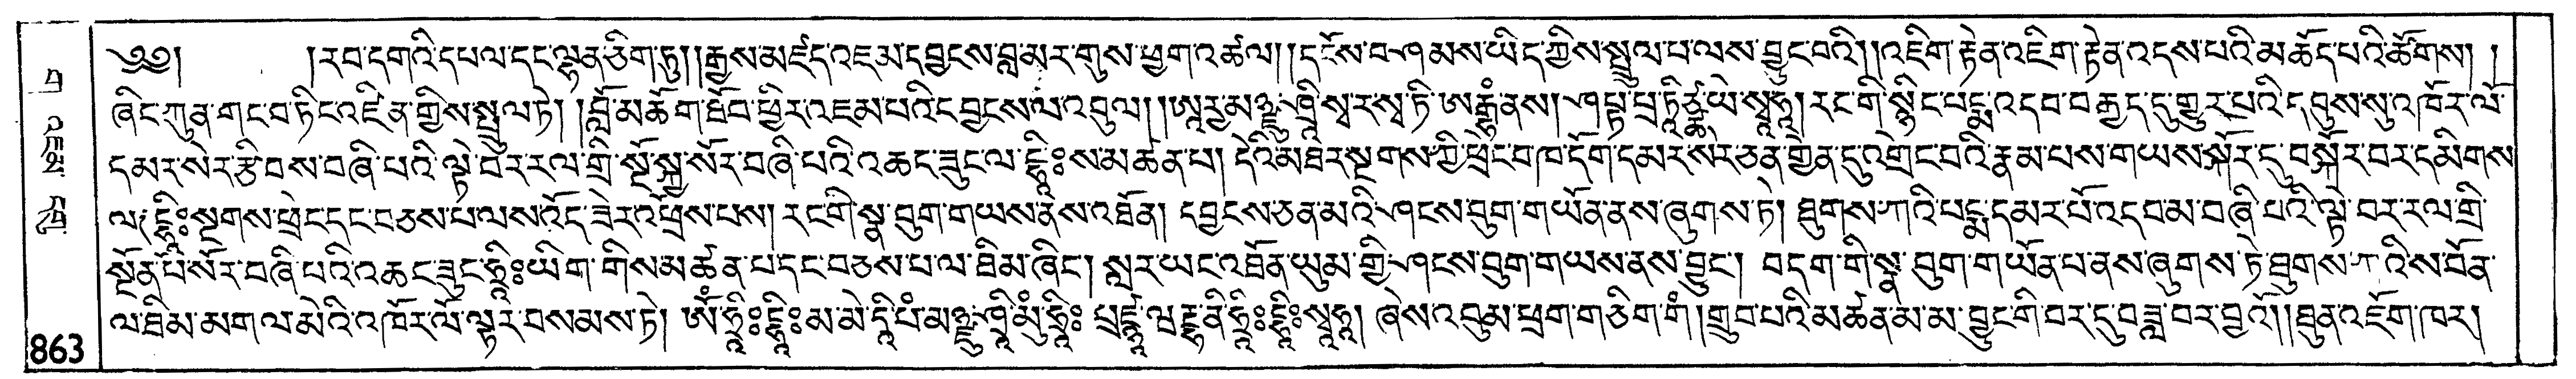༄༅། །རབ་དགའི་དཔལ་དང་ལྷན་ཅིག་ཏུ། །རྒྱས་མཛད་འཇམ་དབྱངས་བླ་མར་གུས་ཕྱག་འཚལ། །དངོས་བཤམས་ཡིད་ཀྱིས་སྤྲུལ་པ་ལས་བྱུང་བའི། །འཇིག་རྟེན་འཇིག་རྟེན་འདས་པའི་མཆོད་པའི་ཚོགས། །
ཞིང་ཀུན་གང་བ་ཏིང་འཛིན་གྱིས་སྤྲུལ་ཏེ། །བློ་མཆོག་ཐོབ་ཕྱིར་འཇམ་པའི་དབྱངས་ལ་འབུལ། །ཨཱརྱ་མཉྫུ་ཤྲཱི་སྭ་ར་སྭ་ཏི་ཨརྒྷཾ་ནས། ཤཔྟ་པྲ་ཏཱི་ཙྪ་ཡེ་སྭཱ་ཧཱ། རང་གི་སྙིང་པདམ་འདབ་བརྒྱད་དུ་གྱུར་པའི་དབུས་སུ་འཁོར་ལོ་
དམར་སེར་རྩིབས་བཞི་པའི་ལྟེ་བར་རལ་གྲི་སྔོ་སྐྱ་སོར་བཞི་པའི་འཆང་ཟུང་ལ་དྷཱིཿ ས་མཚན་པ། དེའི་མཐར་སྔགས་ཀྱི་ཕྲེང་བ་ཁ་དོག་དམར་སེར་ཅན་གྱེན་དུ་འགྲེང་བའི་རྣམ་པས་གཡས་སྐོར་དུ་བསྐོར་བར་དམིགས་
ལ༑ དྷཱིཿ སྔགས་ཕྲེང་དང་བཅས་པ་ལས་འོད་ཟེར་འཕྲོས་པས། རང་གི་སྣ་བུག་གཡས་ནས་འཐོན། དབྱངས་ཅན་མའི་ཤངས་བུག་གཡོན་ནས་ཞུགས་ཏེ། ཐུགས་ཀའི་པདམ་དམར་པོ་འདབ་མ་བཞི་པའི་ལྟེ་བར་རལ་གྲི་
སྔོན་པོ་སོར་བཞི་པའི་འཆང་ཟུང་ཧྲཱིཿ ཡིག་གིས་མཚན་པ་དང་བཅས་པ་ལ་ཐིམ་ཞིང་། སླར་ཡང་འཐོན་ཡུམ་གྱི་ཤངས་བུག་གཡས་ནས་བྱུང་། བདག་གི་སྣ་བུག་གཡོན་པ་ནས་ཞུགས་ཏེ་ཐུགས་ཀའི་ས་བོན་
ལ་ཐིམ་མགལ་མེའི་འཁོར་ལོ་ལྟར་བསམས་ཏེ། ཨོཾ་ཧྲཱིཿ དྷཱིཿ མ་མེ་དཱི་པཾ་མཉྫུ་ཤྲཱི་མུཾ་ཧྲཱིཿ པྲཛྙཱ་ཝརྡྷ་ནི་ཧྲཱིཿ དྷཱིཿ སྭཱཧཱ། ཞེས་འབུམ་ཕྲག་གཅིག་གཾ་།གྲུབ་པའི་མཚན་མ་མ་བྱུང་གི་བར་དུ་བཟླ་བར་བྱའོ། །ཐུན་འཇོག་ཁར།